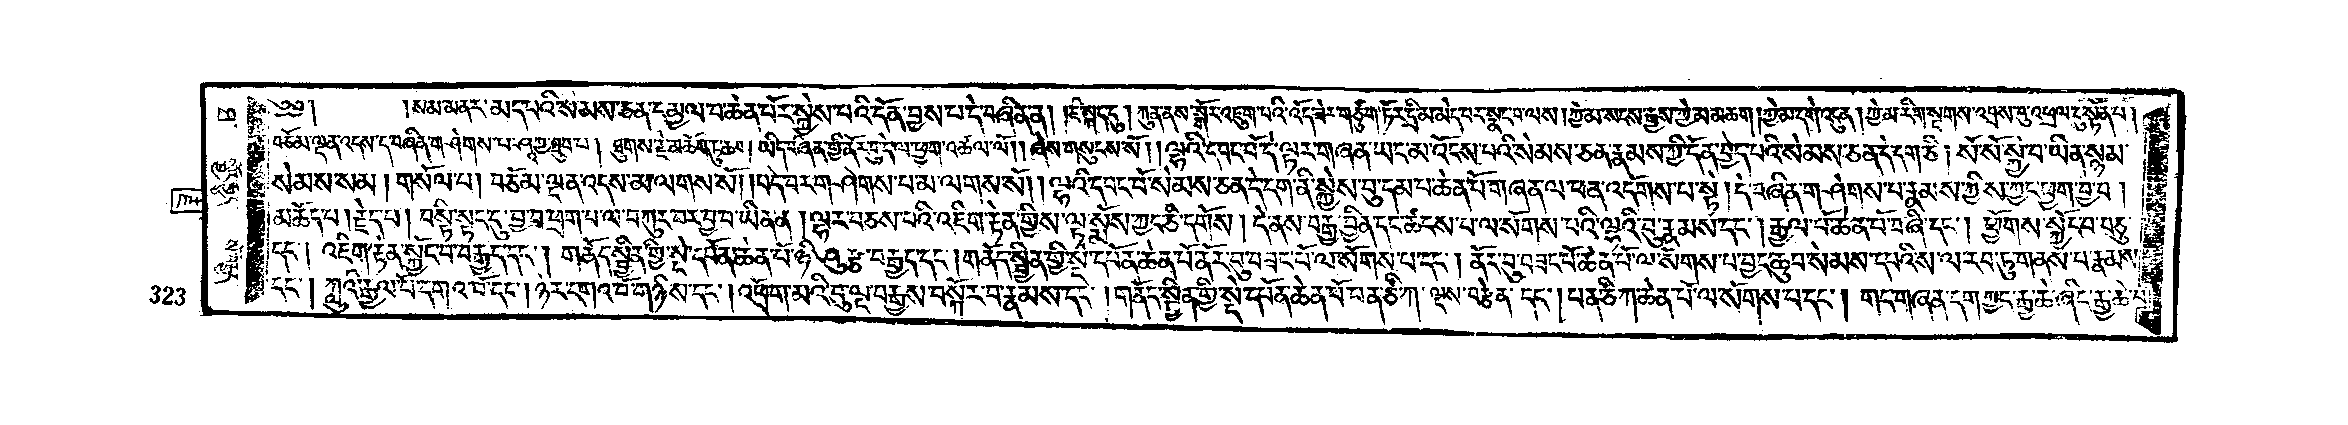༄༅། །སམ་མནར་མེད་པའི་སེམས་ཅན་དམྱལ་བ་ཆེན་པོར་སྐྱེས་པའི་དོན་བྱས་པ་དེ་བཞིན་ན། །ཇི་སྐད་དུ། ཀུན་ནས་སྒོར་འཇུག་པའི་འོད་ཟེར་གཙུག་ཏོར་དྲི་མ་མེད་པར་སྣང་བ་ལས། ཀྱེ་མ་སངས་རྒྱས་ཀྱེ་མ་མཆག །ཀྱེ་མ་དགེ་འདུན། ཀྱེ་མ་རིག་སྔགས་འབྲས་བུ་འབྲལ་དུ་སྟོན་པ།
བཅོམ་ལྡན་འདས་དེ་བཞིན་གཤེགས་པ་ཤཱཀྱ་ཐུབ་པ། ཐུགས་རྗེ་མཆོག་ཏུ་ཆབ། ཡིད་བཞིན་གྱི་ནོར་བུ་དེ་ལ་ཕྱག་འཚལ་ལོ། །ཞེས་གསུངས་སོ། །ལྷའི་དབང་པོ་དེ་ལྟར་གཞན་ཡང་མ་འོངས་པའི་སེམས་ཅན་རྣམས་ཀྱི་དོན་བྱེད་པའི་སེམས་ཅན་དེ་དག་ཅི། སོ་སོ་སྐྱེ་བ་ཡིན་སྙམ་
སེམས་སམ། གསོལ་པ། བཅོམ་ལྡན་འདས་མ་ལགས་སོ། །བདེ་བར་གཤེགས་པ་མ་ལགས་སོ། །ལྷའི་དབང་པོ་སེམས་ཅན་དེ་དག་ནི་སྐྱེས་བུ་དམ་པ་ཆེན་པོ་གཞན་ལ་ཕན་འདོགས་པ་སྟེ། དེ་བཞིན་གཤེགས་པ་རྣམས་ཀྱིས་ཀྱང་ཕྱག་བྱ་བ།
མཆོད་པ། རྗེད་པ། བསྟི་སྟང་དུ་བྱ་བ་ཕྲག་པ་ལ་བཀུར་བར་བྱ་བ་ཡིན་ན། ལྷར་བཅས་པའི་འཇིག་རྟེན་གྱིས་ལྟ་སྨོས་ཀྱང་ཅི་དགོས། དེ་ནས་བརྒྱ་བྱིན་དང་ཚངས་པ་ལ་སོགས་པའི་ལྷའི་བུ་རྣམས་དང་། རྒྱལ་པོ་ཆེན་པོ་བཞི་དང་། ཕྱོགས་སྐྱོང་བ་བཅུ་
དང་། འཇིག་རྟེན་སྐྱོང་བ་བརྒྱད་དང་། གནོད་སྦྱིན་གྱི་སྡེ་དཔོན་ཆེན་པོ་ཉི་ཤུ་རྩ་བརྒྱད་དང་། གནོད་སྦྱིན་གྱི་སྡེ་དཔོན་ཆེན་པོ་ནོར་བུ་བཟང་པོ་ལ་སོགས་པ་དང་། ནོར་བུ་བཟང་པོ་ཆེན་པོ་ལ་སོགས་པ་བྱང་ཆུབ་སེམས་དཔའི་ས་ལ་རབ་ཏུ་གནས་པ་རྣམས་
དང་། ཀླུའི་རྒྱལ་པོ་དགའ་པོ་དང་། ཉེར་དགའ་བོ་གཉིས་དང་། འཕྲོག་མའི་བུ་ལྔ་བརྒྱས་བསྐོར་བ་རྣམས་དང་། གནོད་སྦྱིན་གྱི་སྡེ་དཔོན་ཆེན་པོ་པན་ཙི་ཀ་ལྡས?་བརྩེན་དང་། པན་ཙི་ཀ་ཆེན་པོ་ལ་སོགས་པ་དང་། གང་བཞན་དག་ཀྱང་རྒྱ་ཆེ་ཞིང་རྒྱ་ཆེ་པ་